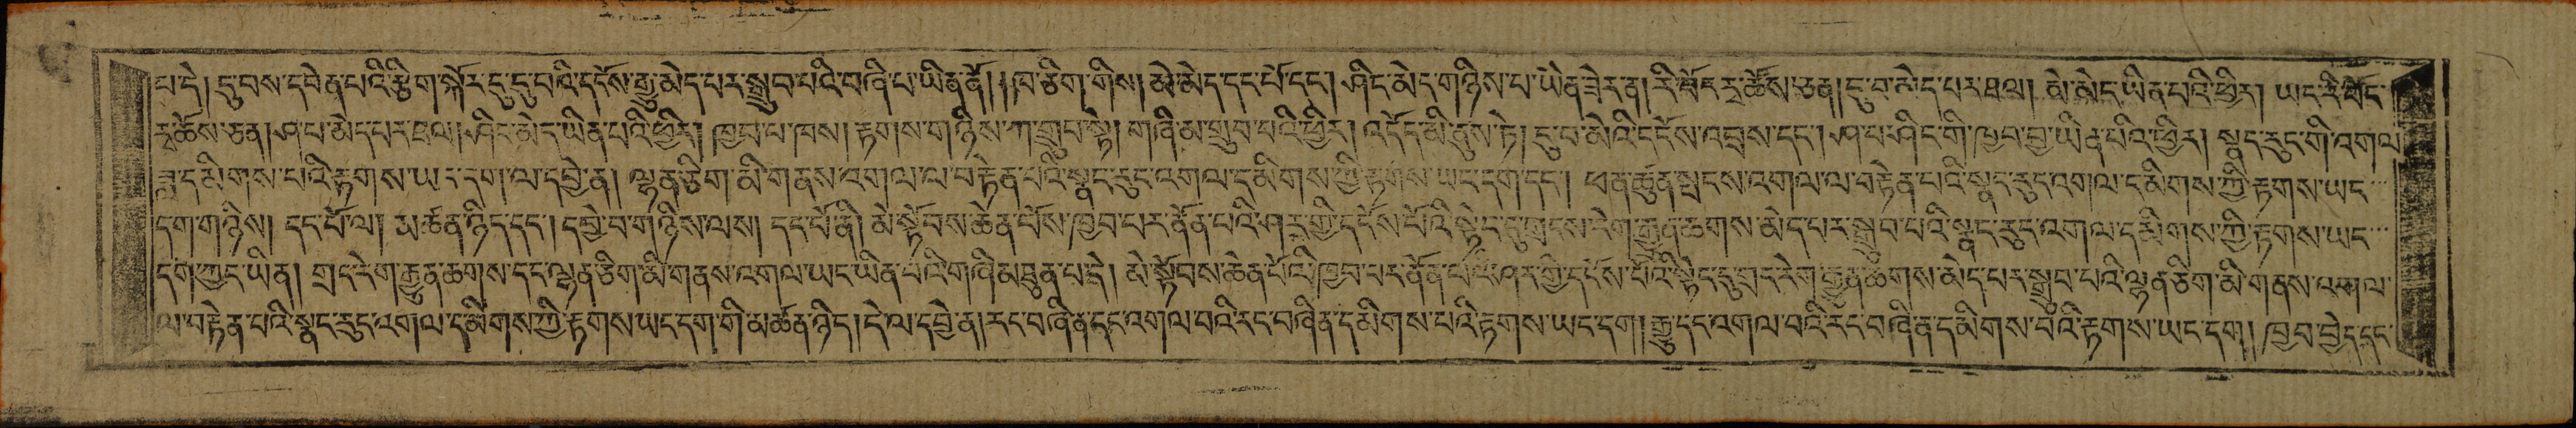པ་དེ། དུ་བས་དབེན་པའི་རྩིག་སྐོར་དུ་དུ་བའི་དངོས་རྒྱུ་མེད་པར་སྒྲུབ་པའི་བཞི་པ་ཡིན་ནོ། །ཁ་ཅིག་གིས། མེ་མེད་དང་པོ་དང་། ཤིང་མེད་གཉིས་པ་ཡིན་ཟེར་ན། རི་བོང་རྭ་ཆོས་ཅན། དུ་བ་མེད་པར་ཐལ། མེ་མེད་ཡིན་པའི་ཕྱིར། ཡང་རི་བོང་
རྭ་ཆོས་ཅན། ཤ་པ་མེད་པར་ཐལ། ཤིང་མེད་ཡིན་པའི་ཕྱིར། ཁྱབ་པ་ཁས། རྟགས་གཉིས་ཀ་གྲུབ་སྟེ། གཞི་མ་གྲུབ་པའི་ཕྱིར། འདོད་མི་ནུས་ཏེ། དུ་བ་མེའི་དངོས་འབྲས་དང་། ཤ་པ་ཤིང་གི་ཁྱབ་བྱ་ཡིན་པའི་ཕྱིར། སྣང་རུང་གི་འགལ་
ཟླ་དམིགས་པའི་རྟགས་ཡང་དག་ལ་དབྱེ་ན། ལྷན་ཅིག་མི་གནས་འགལ་ལ་བརྟེན་པའི་སྣང་རུང་འགལ་དམིགས་ཀྱི་རྟགས་ཡང་དག་དང་། ཕན་ཚུན་སྤངས་འགལ་ལ་བརྟེན་པའི་སྣང་རུང་འགལ་དམིགས་ཀྱི་རྟགས་ཡང་
དག་གཉིས། དང་པོ་ལ། མཚན་ཉིད་དང་། དབྱེ་བ་གཉིས་ལས། དང་པོ་ནི། མེ་སྟོབས་ཆེན་པོས་ཁྱབ་པར་ནོན་པའི་ཤར་གྱི་དངོས་པོའི་སྟེང་དུ་གྲངས་རེག་རྒྱུན་ཆགས་མེད་པར་སྒྲུབ་པའི་སྣང་རུང་འགལ་དམིགས་ཀྱི་རྟགས་ཡང་
དག་ཀྱང་ཡིན། གྲང་རེག་རྒྱུན་ཆགས་དང་ལྷན་ཅིག་མི་གནས་འགལ་ཡང་ཡིན་པའི་གཞི་མཐུན་པ་དེ། མེ་སྟོབས་ཆེན་པོའི་ཁྱབ་པར་ནོན་པའི་ཤར་གྱི་དངོས་པོའི་སྟེང་དུ་གྲང་རེག་རྒྱུན་ཆགས་མེད་པར་སྒྲུབ་པའི་ལྷན་ཅིག་མི་གནས་འགལ་
ལ་བརྟེན་པའི་སྣང་རུང་འགལ་དམིགས་ཀྱི་རྟགས་ཡང་དག་གི་མཚན་ཉིད། དེ་ལ་དབྱེ་ན། རང་བཞིན་དང་འགལ་བའི་རང་བཞིན་དམིགས་པའི་རྟགས་ཡང་དག། རྒྱུ་དང་འགལ་བའི་རང་བཞིན་དམིགས་པའི་རྟགས་ཡང་དག། ཁྱབ་བྱེད་དང་